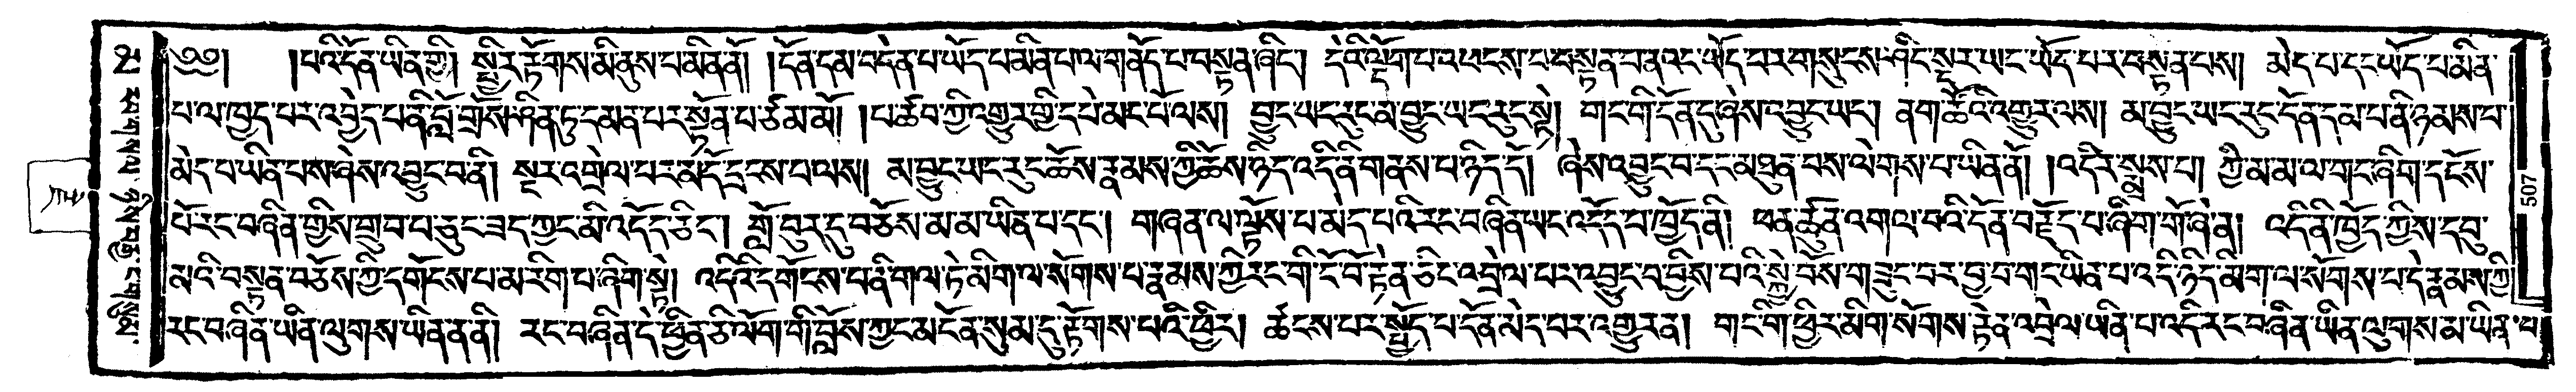༄༅། །པའི་དོན་ཡིན་གྱི། སྤྱིར་རྟོགས་མི་ནུས་པ་མིན་ནོ། །དོན་དམ་བདེན་པ་ཡོད་པ་མིན་པ་ལ་གནོད་པ་བསྟན་ཞིང་། དེའི་ལྡོག་པ་འཕངས་པ་བསྟན་པ་ནའང་ཡོད་པར་གསུངས་ཤིང་སྔར་ཡང་ཡོད་པར་བསྟན་པས། མེད་པ་དང་ཡོད་པ་མིན་
པ་ལ་ཁྱད་པར་འབྱེད་པ་ནི་བློ་གྲོས་ཤིན་ཏུ་དམན་པར་སྟོན་པ་ཙམ་མོ། །པ་ཚབ་ཀྱི་འགྱུར་གྱི་དཔེ་མང་པོ་ལས། བྱུང་ཡང་རུང་མ་བྱུང་ཡང་རུང་སྟེ། གང་གི་དོན་དུ་ཞེས་འབྱུང་ཡང་། ནག་ཚོའི་འགྱུར་ལས། མ་བྱུང་ཡང་རུང་དོན་དམ་པ་ནི་ཉམས་པ་
མེད་པ་ཡིན་པས་ཞེས་འབྱུང་བ་ནི། སྔར་འགྲེལ་པར་མདོ་དྲངས་པ་ལས། མ་བྱུང་ཡང་རུང་ཆོས་རྣམས་ཀྱི་ཆོས་ཉིད་འདི་ནི་གནས་པ་ཉིད་དོ། ཞེས་འབྱུང་བ་དང་མཐུན་པས་ལེགས་པ་ཡིན་ནོ། །འདིར་སྨྲས་པ། ཀྱེ་མ་མ་ལ་གང་ཞིག་དངོས་
པོ་རང་བཞིན་གྱིས་གྲུབ་པ་ཅུང་ཟད་ཀྱང་མི་འདོད་ཅིང་། གློ་བུར་དུ་བཅོས་མ་མ་ཡིན་པ་དང་། གཞན་ལ་ལྟོས་པ་མེད་པའི་རང་བཞིན་ཡང་འདོད་པ་ཁྱོད་ནི། ཕན་ཚུན་འགལ་བའི་དོན་བརྗོད་པ་ཞིག་གོ་ཞེ་ན། འདི་ནི་ཁྱོད་ཀྱིས་དབུ་
མའི་བསྟན་བཅོས་ཀྱི་དགོངས་པ་མ་རིག་པ་ཞིག་སྟེ། འདིའི་དགོངས་པ་ནི་གལ་ཏེ་མིག་ལ་སོགས་པ་རྣམས་ཀྱི་རང་གི་ངོ་བོ་རྟེན་ཅིང་འབྲེལ་པར་འབྱུང་བ་བྱིས་པའི་སྐྱེ་བོས་གཟུང་བར་བྱ་བ་གང་ཡིན་པ་འདི་ཉིད་མིག་ལ་སོགས་པ་དེ་རྣམས་ཀྱི་
རང་བཞིན་ཡིན་ལུགས་ཡིན་ན་ནི། རང་བཞིན་དེ་ཕྱིན་ཅི་ལོག་གི་བློས་ཀྱང་མངོན་སུམ་དུ་རྟོགས་པའི་ཕྱིར། ཚངས་པར་སྤྱོད་པ་དོན་མེད་པར་འགྱུར་ན། གང་གི་ཕྱིར་མིག་སོགས་རྟེན་འབྲེལ་ཡིན་པ་འདི་རང་བཞིན་ཡིན་ལུགས་མ་ཡིན་པ་